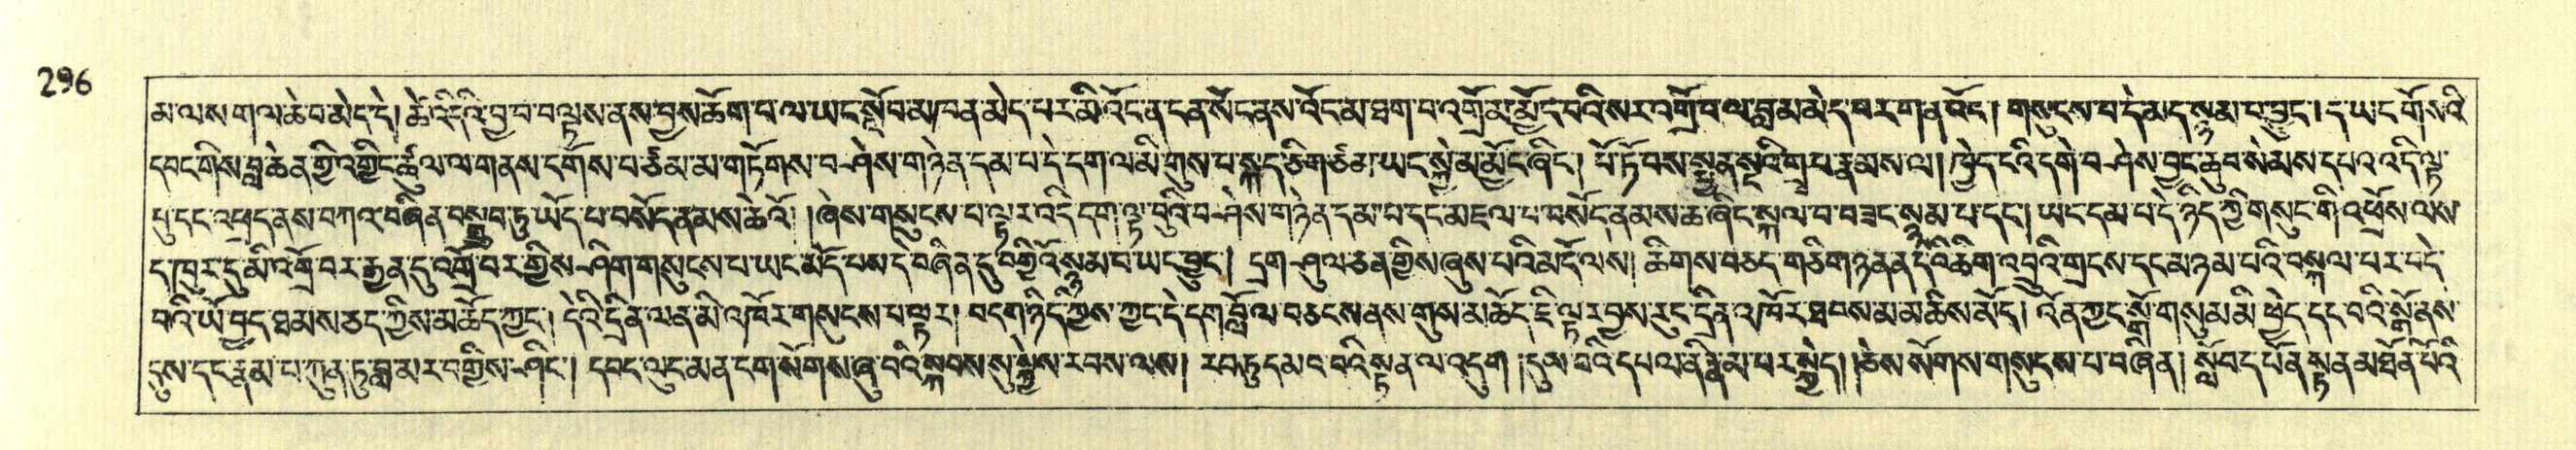མ་ལས་གལ་ཆེ་བ་མེད་དེ། ཚེ་འདིའི་བྱ་བ་བལྟས་ནས་བྱས་ཆོག་བ་ལ་ཡང་སློབ་མཁན་མེད་པར་མི་འོང་ན་ངན་སོང་ནས་འོང་མ་ཐག་པ་འགྲོ་མ་མྱོང་བའི་སར་འགྲོ་བ་ལ་བླ་མ་མེད་པར་ག་ན་འོང་། གསུངས་པ་དེ་མད་སྙམ་པ་བྱུང་། ད་ཡང་གོ་སའི་
དབང་གིས་བླ་ཆེན་གྱི་འགྱིང་ཚུལ་ལ་གནས་དགོས་པ་ཙམ་མ་གཏོགས་བཤེས་གཉེན་དམ་པ་དེ་དག་ལ་མི་གུས་པ་སྐད་ཅིག་ཙམ་ཡང་སྐྱེ་མ་མྱོང་ཞིང་། པོ་ཏོ་བས་སྤྱན་སྔའི་གྲྭ་པ་རྣམས་ལ། ཁྱེད་ངའི་དགེ་བཤེས་བྱང་ཆུབ་སེམས་དཔའ་འདི་ལྟ་
པུ་དང་འཕྲད་ནས་བཀའ་བཞིན་བསྒྲུབ་ཏུ་ཡོད་པ་བསོད་ནམས་ཆེའོ། །ཞེས་གསུངས་པ་ལྟར་འདི་དག་ལྟ་བུའི་བཤེས་གཉེན་དམ་པ་དང་མཇལ་པ་བསོད་ནམས་ཆ་ཞིང་སྐལ་བ་བཟང་སྙམ་པ་དང་། ཡང་དམ་པ་དེ་ཉིད་ཀྱི་གསུང་གི་འཕྲོས་ལས་
ད་ཁུར་དུ་མི་འགྲོ་བར་རྒྱན་དུ་འགྲོ་བར་གྱིས་ཤིག་གསུངས་པ་ཡང་མདོ་པས་དེ་བཞིན་དུ་བགྱིའོ་སྙམ་པ་ཡང་བྱུང་། དྲག་ཤུལ་ཅན་གྱིས་ཞུས་པའི་མདོ་ལས། ཆིགས་བཅད་གཅིག་ཉན་ན་དེའི་ཆིག་འབྲུའི་གྲངས་དང་མཉམ་པའི་བསྐལ་པར་བདེ་
བའི་ཡོ་བྱད་ཐམས་ཅད་ཀྱིས་མཆོད་ཀྱང་། དེའི་དྲིན་ལན་མི་འཁོར་གསུངས་པ་ལྟར། བདག་ཉིད་ཀྱིས་ཀྱང་དེ་དག་བློ་ལ་བཅངས་ནས་གུས་མཆོད་ཇི་ལྟར་བྱས་རུང་དྲིན་འཁོར་ཐབས་མ་མཆིས་མོད། འོན་ཀྱང་སྒོ་གསུམ་མི་ཕྱེད་དང་བའི་སྒོ་ནས་
དུས་དང་རྣམ་པ་ཀུན་ཏུ་བླ་མར་བགྱིས་ཤིང་། དབང་ལུང་མན་ངག་སོགས་ཞུ་བའི་སྐབས་སུ་སྐྱེས་རབས་ལས། རབ་ཏུ་དམའ་བའི་སྟན་ལ་འདུག །དུལ་བའི་དཔལ་ནི་རྣམ་པར་སྐྱེད། །ཅེས་སོགས་གསུངས་པ་བཞིན། སློབ་དཔོན་སྟན་མཐོན་པོའི་